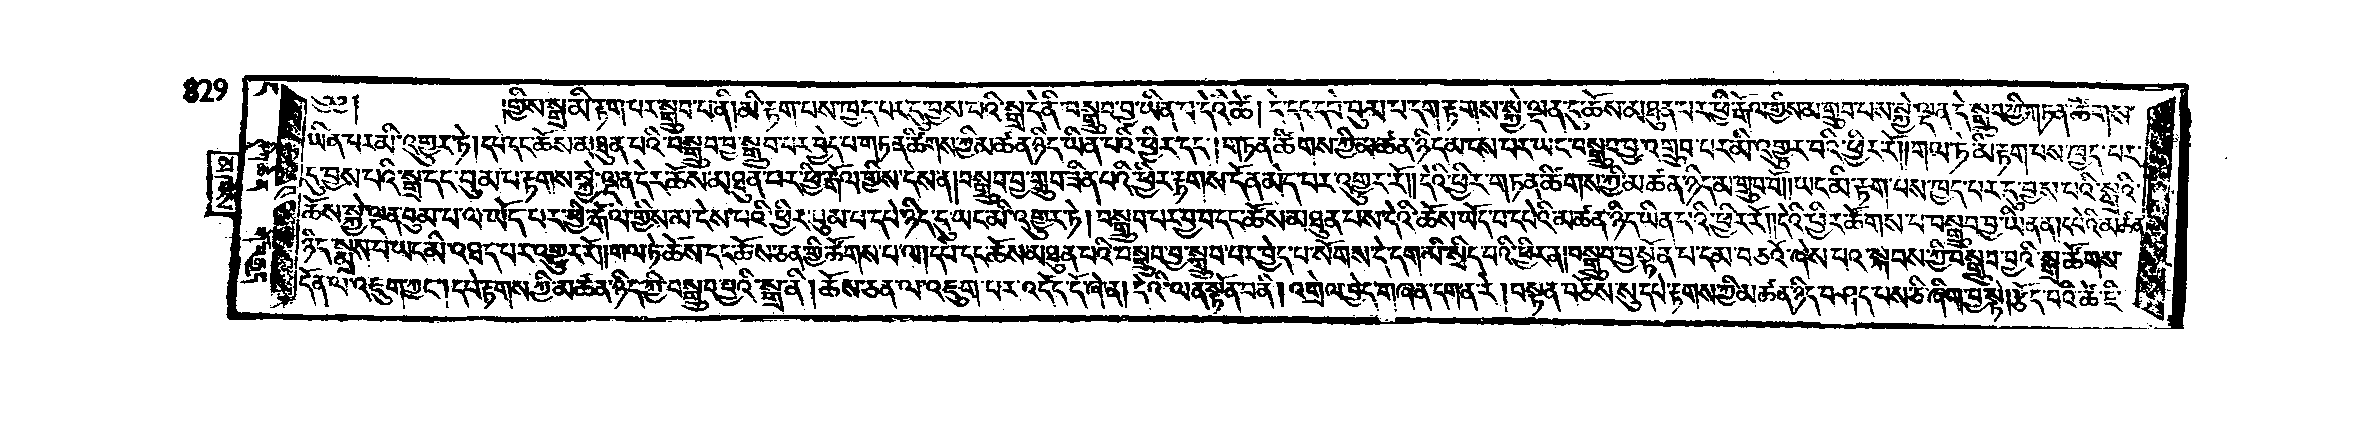༄༅། །གྱིས་སྒྲ་མི་རྟག་པར་སྒྲུབ་པ་ནི། མི་རྟག་པས་ཁྱད་པར་དུ་བྱས་པའི་སྒྲ་དེ་ནི་བསྒྲུབ་བྱ་ཡིན་པ་དེའི་ཚེ། དེ་དང་དཔེ་བུམ་པ་དག་རྟགས་སྐྱེ་ལྡན་དུ་ཆོས་མཐུན་པར་ཕྱི་རྒོལ་གྱིས་མ་གྲུབ་པས་སྐྱེ་ལྡན་དེ་སྒྲུབ་ཀྱི་གཏན་ཚིགས་
ཡིན་པར་མི་འགྱུར་ཏེ། དཔེ་དང་ཆོས་མཐུན་པའི་བསྒྲུབ་བྱ་སྒྲུབ་པར་བྱེད་པ་གཏན་ཚིགས་ཀྱི་མཚན་ཉིད་ཡིན་པའི་ཕྱིར་དང་། གཏན་ཚིགས་ཀྱི་མཚན་ཉིད་མ་ངེས་པར་ཡང་བསྒྲུབ་བྱ་འགྲུབ་པར་མི་འགྱུར་བའི་ཕྱིར་རོ། །གལ་ཏེ་མི་རྟག་པས་ཁྱད་པར་
དུ་ཡས་པའི་སྒྲ་དང་བུམ་པ་རྟགས་སྐྱེ་ལྡན་དེར་ཆོས་མཐུན་པར་ཕྱི་རྒོལ་གྱིས་དེས་ན། བསྒྲུབ་བྱ་གྲུབ་ཟིན་པའི་ཕྱིར་རྟགས་དོན་མེད་པར་འགྱུར་རོ། །དེའི་ཕྱིར་གཏན་ཚིགས་ཀྱི་མཚན་ཉིད་མ་གྲུབ་བོ། །ཡང་མི་རྟག་པས་ཁྱད་པར་དུ་བྱས་པའི་སྒྲའི་
ཆོས་སྐྱེ་ལྡན་བུམ་པ་ལ་ཡོད་པར་ཕྱི་རྒོལ་གྱིས་མ་ངེས་པའི་ཕྱིར་བུམ་པ་དཔེ་ཉིད་དུ་ཡང་མི་འགྱུར་ཏེ། བསྒྲུབ་པར་བྱ་བ་དང་ཆོས་མཐུན་པས་དེའི་ཆོས་ཡོད་པ་དཔེའི་མཚན་ཉིད་ཡིན་པའི་ཕྱིར་རོ། །དེའི་ཕྱིར་ཚོགས་པ་བསྒྲུབ་བྱ་ཡིན་ན། དཔེའི་མཚན་
ཉིད་སྨྲས་པ་ཡང་མི་འཐད་པར་འགྱུར་རོ། །གལ་ཏེ་ཆོས་དང་ཆོས་ཅན་གྱི་ཚོགས་པ་ལ། དཔེ་དང་ཆོས་མཐུན་པའི་བསྒྲུབ་བྱ་སྒྲུབ་པར་བྱེད་པ་སོགས་དེ་དག་མི་སྲིད་པའི་ཕྱིར་ན། བསྒྲུབ་བྱ་སྟོན་པ་དམ་བཅའོ་ཞེས་པའི་སྐབས་ཀྱི་བསྒྲུབ་བྱའི་སྒྲ་ཚོགས་
དོན་ལ་འཇུག་ཀྱང་། དཔེ་རྟགས་ཀྱི་མཚན་ཉིད་ཀྱི་བསྒྲུབ་བྱའི་སྒྲ་ནི། ཆོས་ཅན་ལ་འཇུག་པར་འདོད་དོ་ཞེ་ན། དེའི་ལན་སྟོན་པ་ནི། འགྲེལ་བྱེད་གཞན་དག་ན་རེ། བསྟན་བཅོས་སུ་དཔེ་རྟགས་ཀྱི་མཚན་ཉིད་བཤད་པས་ཅི་ཞིག་བྱ་སྟེ། རྩོད་པའི་ཚེ་ཇི་